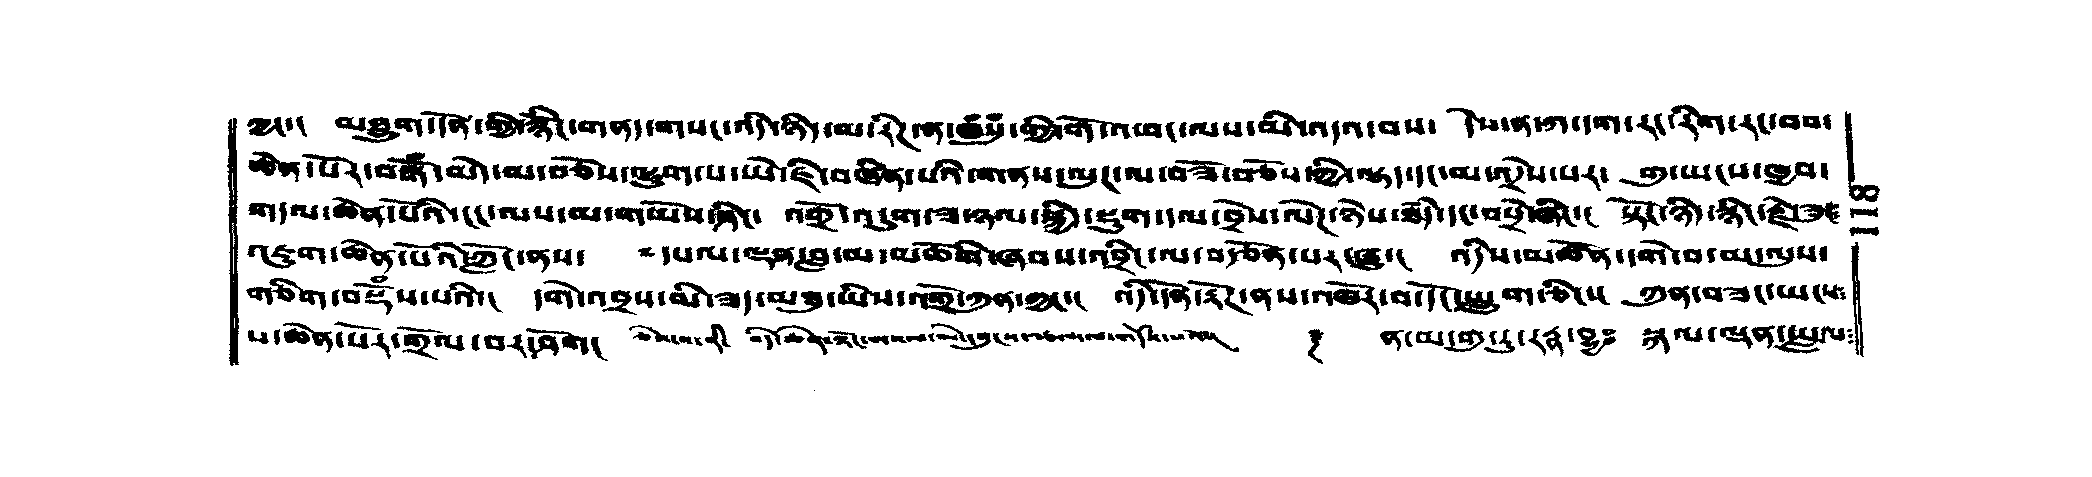ཀྱང་། མཐར་ཐུག་དོན་གྱི་སྙིང་པོ་གནད་གསང་འདི་ཉིད་མ་རིག་ན་ཁམས་གསུམ་གྱི་གོ་འཕང་ལས་མི་འདའ་བས། དེས་ན་ཀ་དག་རང་རིག་རང་བབས་
ཆེན་པོར་བསྒོམ་མེད་མ་བཅོས་ལྷུག་པ་ཡེ་ཇི་བཞིན་པའི་གནས་ལུགས་ལ་བཟོ་བཅོས་ཀྱི་ལྷད་དང་མ་འདྲེས་པར། གུ་ཡངས་ཁྱབ་
གདལ་ཆེན་པོའི་ངང་ལས་མ་གཡོས་་ཤིང་། འགྲོ་འདུག་ཟ་ཉལ་སྐྱིད་སྡུག་དལ་བྲེལ་ལེགས་ཉེས་ཐམས་ཅད་དང་བསྲེ་ཞིང་། །སྟོང་ཉིད་སྙིང་རྗེ་ཟུང་
འཇུག་ཆེན་པོའི་ཀློང་ནས། དཔལ་ལྡན་བླ་མ་མཆོག་གི་ཞབས་འབྲིང་ལ་བརྩོན་པར་ཞུ། འདིས་མཚོན་དགེ་བ་མ་ལུས་
གཅིག་བསྡོམས་པའི། །དགེ་འབྲས་མི་ཟད་མཐུ་ཡིས་འགྲོ་ཀུན་ཀྱང་།འདི་དོན་རྟོགས་ནས་འཁོར་བ་དོང་སྤྲུག་ཅིང་། །ཀུན་བཟང་ཡངས་
པ་ཆེན་པོར་གྲོལ་བར་ཤོག །ཅེས་པ་ནི་བདེ་ཆེན་སྟོང་གསལམེ་དཔུང་རྩལ་ལ་གདམས་པའོ།། ༈ ན་མ་གུ་རུ་རཏྣ་བྷྱཿ སྐལ་ལྡན་སྤྲུལ་